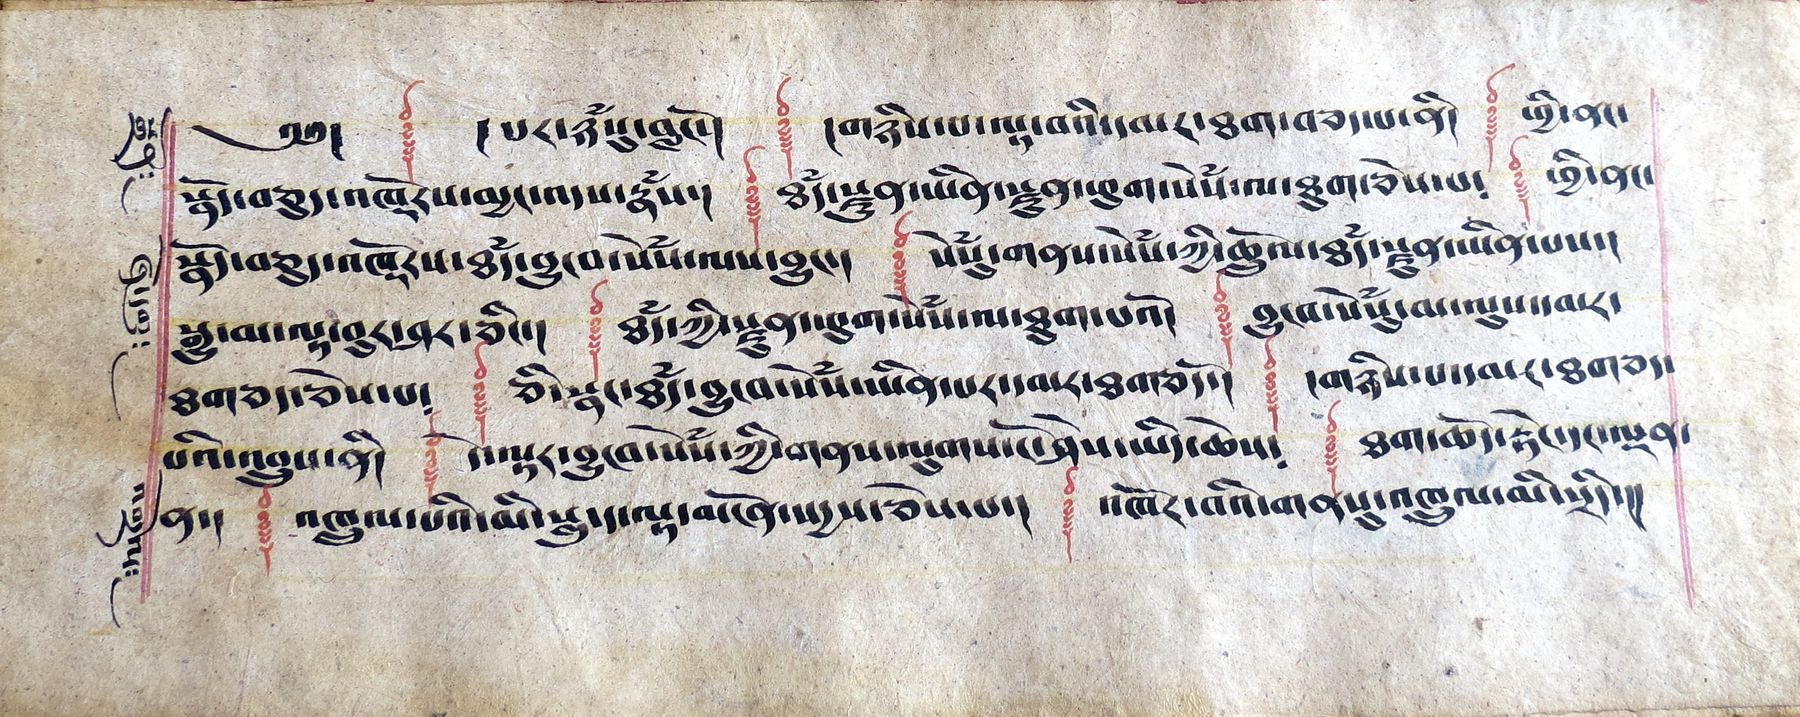པར་ཉམས་སུ་བླང་ངོ་། །གཉིས་པ་ལྟ་བས་དམར་ཐག་བཅད་པ་ནི། ཕྱི་ནང་
སྣོད་བཅུད་འཁོར་དང་མྱང་འདས་རྣམས། ཐམས་ཅད་རྫུན་ཡིན་རྫུན་ཕུགས་སེམས་ལ་ཐུག་ཅེས་པས། ཕྱི་ནང་
སྣོད་བཅུད་འཁོར་འདས་ཐམས་ཅད་བྱང་ཆུབ་སེམས་ལས་བྱུང་། སེམས་སུ་གནས་སེམས་ཀྱི་ཆོ་འཕྲུལ་ཐམས་ཅད་རྫུན་པས། 
སྒྱུ་མ་ལྟ་བུར་ཤར་ཅིང་། ཐམས་ཅད་ཀྱི་རྫུན་ཕུགས་སེམས་ལ་ཐུག་པའོ། །བྱང་ཆུབ་སེམས་སུ་མ་ལུས་དམར་
ཐག་བཅད་ཅེས་པས། ཅི་སྣང་ཐམས་ཅད་བྱང་ཆུབ་ཀྱི་སེམས་ཡིན་པར་དམར་ཐག་བཅད་དོ། །གཉིས་པ་དམར་ཐག་བཅད་
པའི་འབྲས་བུ་ནི། དེ་ལྟར་བྱང་ཆུབ་སེམས་ཀྱི་གནས་ལུགས་ངོ་ཤེས་ཡིད་ཆེས། ཐག་ཆོད་གདེང་དང་ལྡན་
ན། འཁྲུལ་པས་མི་བསླུ་ད་ལྟ་མངོན་སངས་རྒྱས། །ཞེས་པས། འཁོར་བའི་གནས་སུ་འཁྲུལ་མི་སྲིད།